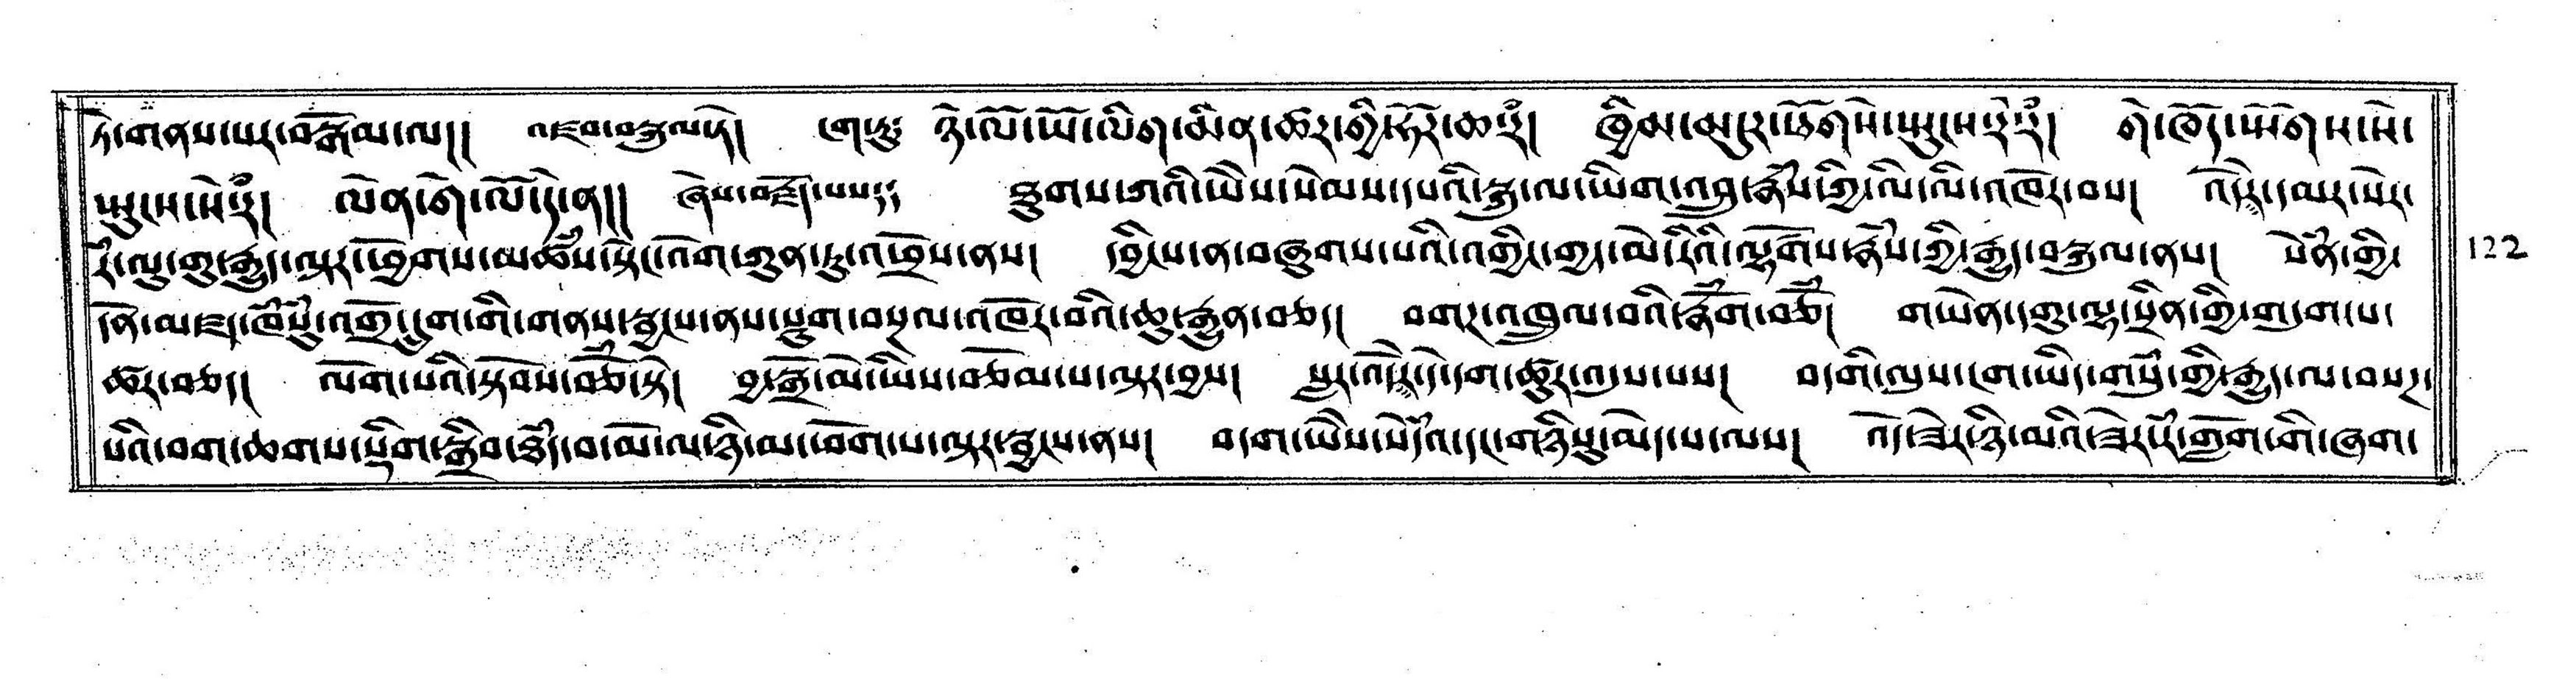ཏེ་གནས་པར་བསྒོམ་ལ།། འཛབ་བསྐུལ་ཏེ། ངག་ཏུ ཉེ་ལོ་ཡོ་ལིག་མིན་ཚར་གྱི་ཧོར་ཆ་རཾ། ཁྱིམ་མདུར་ཕོགསེ་སྤུངས་རེ་རཾ། གེ་ཁོད་སྤོགས་སེ་
སྤུངས་སེ་རཾ། ལེན་གེ་ལོ་དེ་ན།། ཞེས་བརྗོད་པས ཐུགས་ཀའི་ཡེ་ཤེས་སེམས་དཔའི་སྐུ་ལ་ཡིག་འབྲུ་རྣམས་ཀྱི་ལི་ལི་འཁོར་བས། འོད་ཟེར་དམར་སེར་
རཾ་ལུ་གུ་རྒྱུད་ལྟར་ཕྱོགས་མཚམས་སྟེང་འོག་ཀུན་ཏུ་འཕྲོས་ནས། དབྱིངས་ན་བཞུགས་པའི་འགྱིང་གྱད་མེ་རིའི་ལྷ་ཚོགས་རྣམས་ཀྱི་རྒྱུད་བསྐུལ་ནས། སེམས་ཅན་གྱི་
དོན་མཛད། ཁམས་གསུམ་འགྲོ་དྲུག་གི་གནས་སྦྱངས་ནས་སྡུག་བསྔལ་འཁོར་བའི་ཆུ་རྒྱུན་བཅད། བག་ཆགས་འཁྲུལ་བའི་རྣམ་རྟོག་བཅོམ། གཡེན་དགུ་ལྷ་སྲིན་གྱི་གདུག་པ་
ཚར་བཅད། ལོག་པའི་སྟོབས་བཅོམ་སྟེ། བྱ་སྒྲོ་མེ་ཡིས་བཅོམ་པ་ལྟར་བྱས། སླར་འོད་ཟེར་དེ་དག་ཚུར་འདུས་པས། བདག་གི་ལུས་ངག་ཡིད་གསུམ་གྱི་རྒྱུད་ལ་བསགས་
པའི་བག་ཆགས་སྡིག་སྒྲིབ་ཐམས་ཅད་བ་མོ་ལ་ཉི་མ་ཕོག་པ་ལྟར་སྦྱངས་ནས། བདག་ཡེ་ཤེས་སེམས་དཔའ་དང་གཉིས་སུ་མེད་པ་ལས། འོད་ཟེར་ཉི་མའི་ཟེར་རམ་གློག་གི་ཞག་